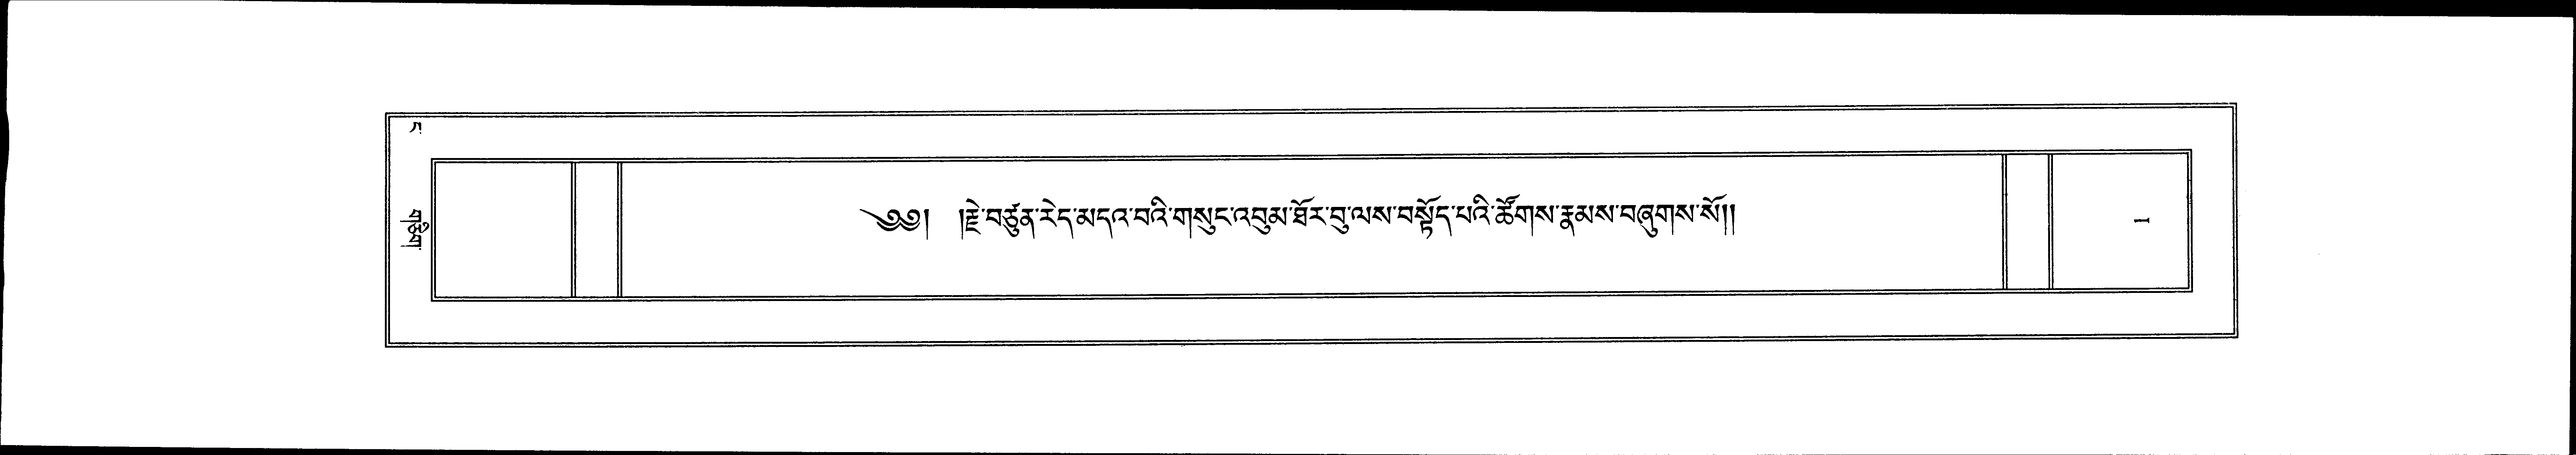༄༅། །རྗེ་བཙུན་རེད་མདའ་བའི་གསུང་འབུམ་ཐོར་བུ་ལས་བསྟོད་པའི་ཚོགས་རྣམས་བཞུགས་སོ།།